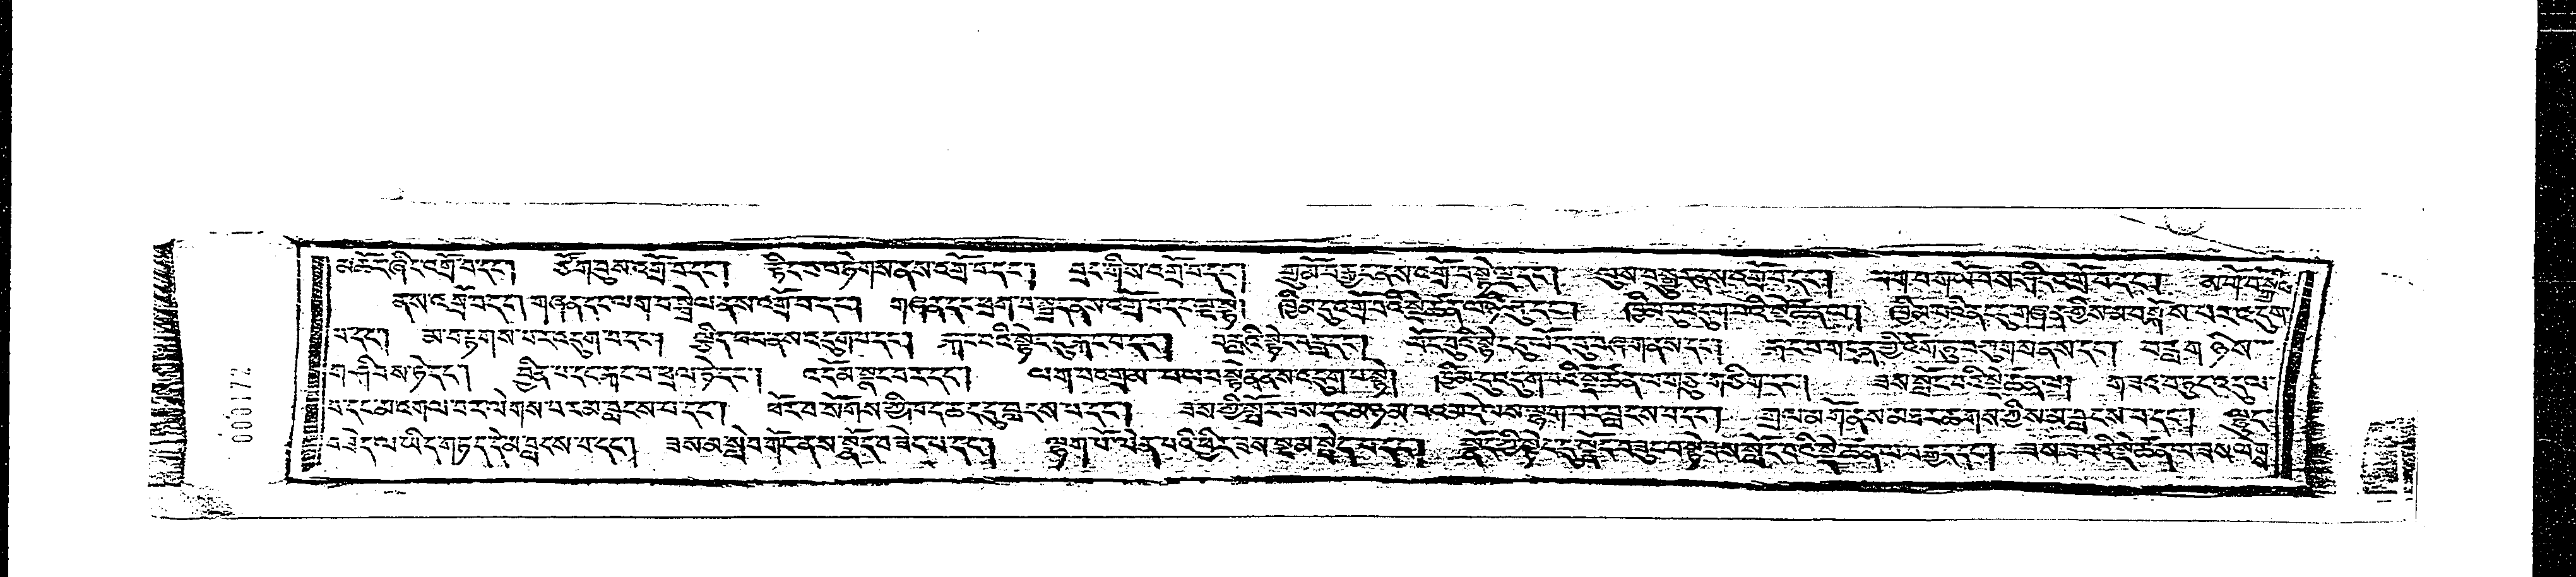མཆོང་ཞིང་འགྲོ་བ་དང་། ཙོག་བུས་འགྲོ་བ་དང་། རྟིང་བ་བཏེགས་ནས་འགྲོ་བ་དང་། བྲང་གིས་འགྲོ་བ་དང་། གྲུ་མོ་བརྒྱང་ནས་འགྲོ་བ་སྟེ་ལྔ་དང་། ལུས་བསྒྱུར་ནས་འགྲོ་བ་དང་། ལག་པ་གཡོ་བས་ཤིང་འགྲོ་བ་དང་། མགོ་བོ་སྒྲིལ་
ནས་འགྲོ་བ་དང་། གཞན་དང་ལག་པ་སྤྲེལ་ནས་འགྲོ་བ་དང་། གཞན་དང་ཕྲག་པ་སྤྲད་ནས་འགྲོ་བ་དང་ལྔ་སྟེ། ཁྱིམ་དུ་འགྲོ་བའི་སྡེ་ཚན་ལ་ཉི་ཤུ་དང་། ཁྱིམ་དུ་འདུག་པའི་སྡེ་ཚན་ལ། ཁྱིམ་པའི་ནང་དུ་གཞན་གྱིས་མ་བསྐོས་པར་འདུག་
པ་དང་། མ་བརྟགས་པར་འདུག་པ་དང་། ལྕིད་ཕབ་ནས་འདུག་པ་དང་། རྐང་པའི་སྟེང་དུ་རྐང་པ་དང་། བརླའི་སྟེང་བརླ་དང་། ལོང་བུའི་སྟེང་དུ་ལོང་བུ་བཞག་ནས་དང་། རྐང་པ་གདན་གྱི་འོག་ཏུ་བཀུགས་ནས་དང་། བརླ་གཉིས་
གཤིབས་ཏེ་དང་། བྱིན་པ་དང་རྐང་པ་ཕྲལ་ཏེ་དང་། འདོམ་སྣང་བར་དང་། ལག་པ་འགྲམ་པ་ལ་བསྟེན་ནས་འདུག་པ་སྟེ། ཁྱིམ་དུ་འདུག་པའི་སྡེ་ཚན་ལ་བཅུ་གཅིག་དང་། ཟས་སློང་བའི་སྡེ་ཚན་ལ། གཟའ་བཏུང་འདུལ་
བ་དང་མ་འགལ་བར་ལེགས་པར་མ་བླངས་པ་དང་། ཕོར་བ་སོགས་ཀྱི་ཁ་ད་ཆད་དུ་བླངས་པ་དང་། ཟས་ཀྱི་སྤོར་ཟས་དང་མཉམ་པའམ་དེ་ལས་ལྷག་པར་བླངས་པ་དང་། གྲལ་མགོ་ནས་མཐར་ཆགས་ཀྱིས་མ་བླངས་པ་དང་། ལྷུང་
བཟེད་ལ་ཡིད་གཏད་དེ་མ་བླངས་པ་དང་། ཟས་མ་སླེབ་གོང་ནས་སྣོད་བཟེད་པ་དང་། ལྷག་པོ་ལེན་པའི་ཕྱིར་ཟས་སྔ་མ་སྤེད་པ་དང་། སྣོད་ཀྱི་སྟེང་དུ་སྣོད་བཟུང་བ་སྟེ་ཟས་སློང་བའི་སྡེ་ཚན་ལ་བརྒྱད་དང་། ཟས་ཟ་བའི་སྡེ་ཚན་ལ་ཟས་ལེགས་